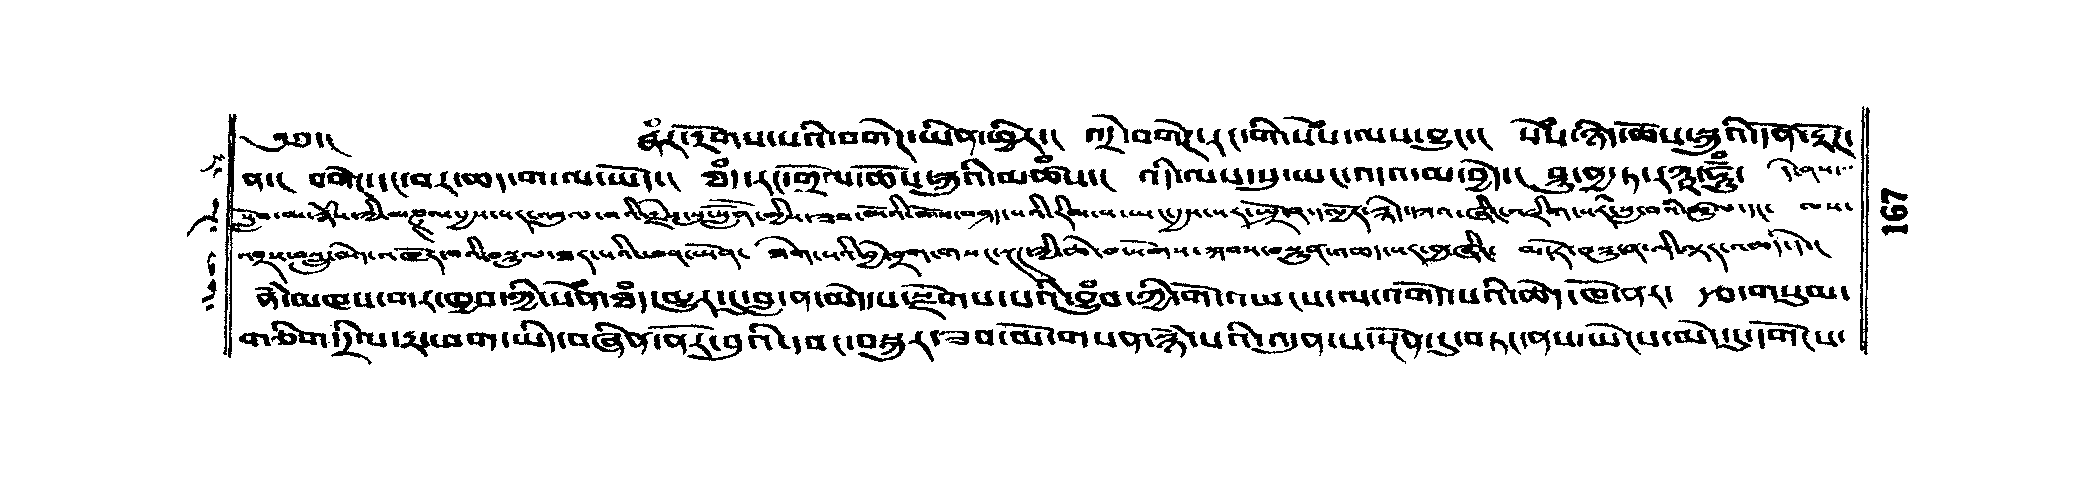རྣམ་པར་རྟོགས་པའི་བགེགས་ཡིན་ཕྱིར། འདྲེ་བགེགས་རང་གི་སེམས་ལས་བྱུང་། སེམས་ཉིད་ཆོས་སྐུའི་དོན་རྟོགས་
ན། བགེགས་དང་བར་ཆད་ག་ལ་ཡོད། ཐམས་ཅད་རང་གྲོལ་ཆོས་སྐུའི་མཚམས། འདི་ལས་སུ་ཡང་འདའ་མ་བྱེད། ཤུ་ནྱཱ་ཏ་རཀྵ་ཧཱུྃ། དེ་ནས་
སློབ་མ་རྣམས་ཀྱི་མཎྜལ་རྒྱས་པར་འབུལ་བའི་རྗེས་སུ་སློབ་དཔོན་གྱིས་ཟབ་མོའི་ཆོས་བཤད་པའི་རིམ་པ་ཡང་རྒྱས་པར་སྤྲོ་ན་དལ་འབྱོར་རྙེད་དཀའ་ཞིང་འཇིག་པར་སླ་བའི་ཚུལ་དང་། ལས་
འབྲས་བཟླུ་མེད་འཁོར་བའི་བསྐུལ་ཐར་པའི་ཕན་སོན། ཐེག་པའི་བྱེ་བྲག་གསང་སྔགས་ཀྱི་ཆེ་བ་སོགས་སྐལ་བསྡུན་འཆད་པར་བྱ་ཞིང་། མདོར་བསྡུ་ན་འདི་ལྟར་འཆད་དེ། 
ནམ་མཁའ་གར་ཁྱབ་ཀྱི་སེམས་ཅན་ཐམས་ཅད་མྱུར་དུ་བླ་ན་མེད་པ་རྫོགས་པའི་བྱང་ཆུབ་ཀྱི་གོང་ཡངས་ལ་འགོད་པའི་ཆེད་ཁོ་ནར། རྩ་གསུམ་
གཅིག་དྲིལ་རྟ་ཕག་ཡིད་བཞིན་ནོར་བུའི་དབང་བསྐུར་ཟབ་མོ་གསན་སྙམ་པའི་འདུན་པ་སྔོན་དུ་བཏང་ནས་ཡེངས་མེད་དུ་དགོངས་